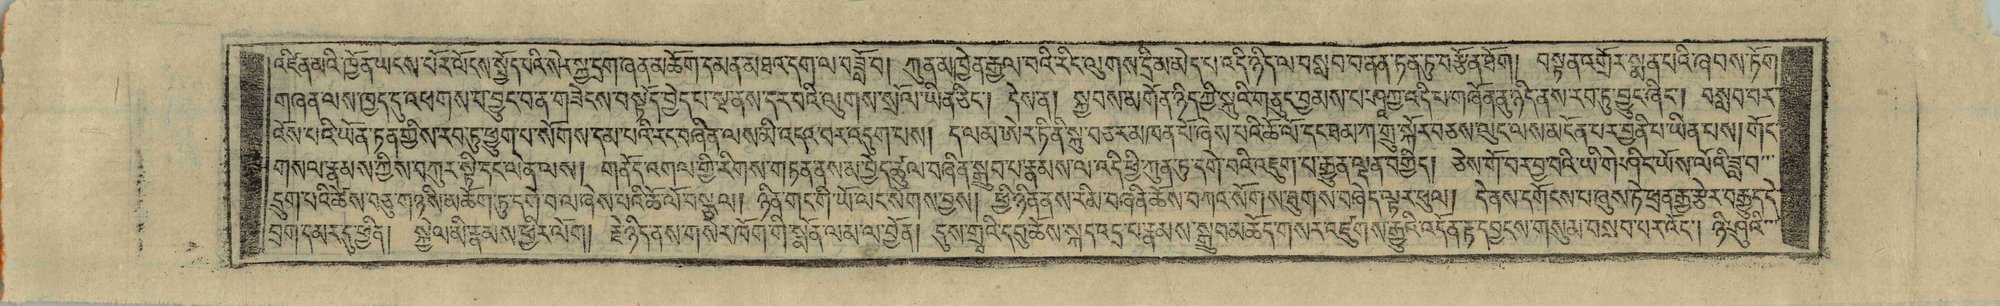འཛིན་མའི་ཁྱོན་ཡངས་པོར་ལོངས་སྤྱོད་པའི་སེར་སྐྱ་དྲག་གཞན་མཆོག་དམན་མཐའ་དག་ལ་བཟློ་བ། ཀུན་མཁྱེན་རྒྱལ་བའི་རིང་ལུགས་དྲི་མ་མེད་པ་འདི་ཉིད་ལ་བསླབ་པ་ནན་ཏན་ཏུ་བརྩོན་ཐོག །བསྟན་འགྲོར་སྨན་པའི་ཞབས་ཏོག་
གཞན་ལས་ཁྱད་དུ་འཕགས་པ་བྱུང་བ་ན་གཟེངས་བསྟོད་བྱེད་པ་སྡེ་ནས་དར་བའི་ལུགས་སྲོལ་ཡིན་ཅིང་། དེས་ན། སྐྱབས་མགོན་ཉིད་ཀྱི་སྐུའི་གཅུང་བྱམས་པ་ཤཱཀྱ་འདི་པ་གཞོན་ནུ་ཉིད་ནས་རབ་ཏུ་བྱུང་ཞིང་། བསླབ་པར་
འོས་པའི་ཡོན་ཏན་གྱིས་རབ་ཏུ་ཕྱུག་པ་སོགས་དམ་པའི་རང་བཞིན་ལས་མི་འདའ་བར་འདུག་པས། ད་ལམ་ཨེར་ཏི་ནི་སྐུ་བཅར་མཁན་པོ་ཞེས་པའི་ཆོ་ལོ་དང་ཐམ་ཀ་གྲུ་སྐོར་བཅས་ལུང་ལས་མངོན་པར་བྱིན་པ་ཡིན་པས། གོང་
གསལ་རྣམས་ཀྱིས་བཀུར་སྟི་དང་ལེན་ལས། གནོད་འགལ་གྱི་རིགས་གཏན་ནས་མ་བྱེད་ཚུལ་བཞིན་སྒྲུབ་པ་རྣམས་ལ་འདི་ཕྱི་ཀུན་ཏུ་དགེ་བའི་འཇུག་པ་རྒྱུན་ལྡན་བགྱིད། ཅེས་གོ་བར་བྱ་བའི་ཡི་གེ་ཤིང་ཡོས་ལོའི་ཟླ་བ་
དྲུག་པའི་ཚེས་བཅུ་གཉིས་མཆོག་ཏུ་དགེ་བ་ལ་ཞེས་པའི་ཆོ་ལོ་བསྩལ། ཉིན་གང་གི་ཡོ་ལང་སོགས་བྱས། ཕྱི་ཉིན་ནས་རིམ་བཞིན་ཆོས་བཀའ་སོགས་ཐུགས་བཞེད་ལྟར་ཕུལ། དེ་ནས་དགོངས་པ་ཞུས་ཏེ་ཕྲན་རྒྱ་རྩེར་བརྒྱུད་དེ་
བྲག་དམར་དུ་ཕྱིན། སྐྱེལ་མི་རྣམས་ཕྱིར་ལོག །རྗེ་ཉིད་ནས་གསེར་ཁོག་གི་སྨོན་ལམ་ལ་བྱོན། དུས་གྲྭའི་དབུ་ཆོས་སྐད་འདྲ་བ་རྣམས་སྒྲུབ་མཆོད་གསར་འཛུགས་རྒྱུའི་འདོན་རྟ་དབྱངས་གསུམ་བསླབ་པར་འོང་། ཉི་ཤུའི་